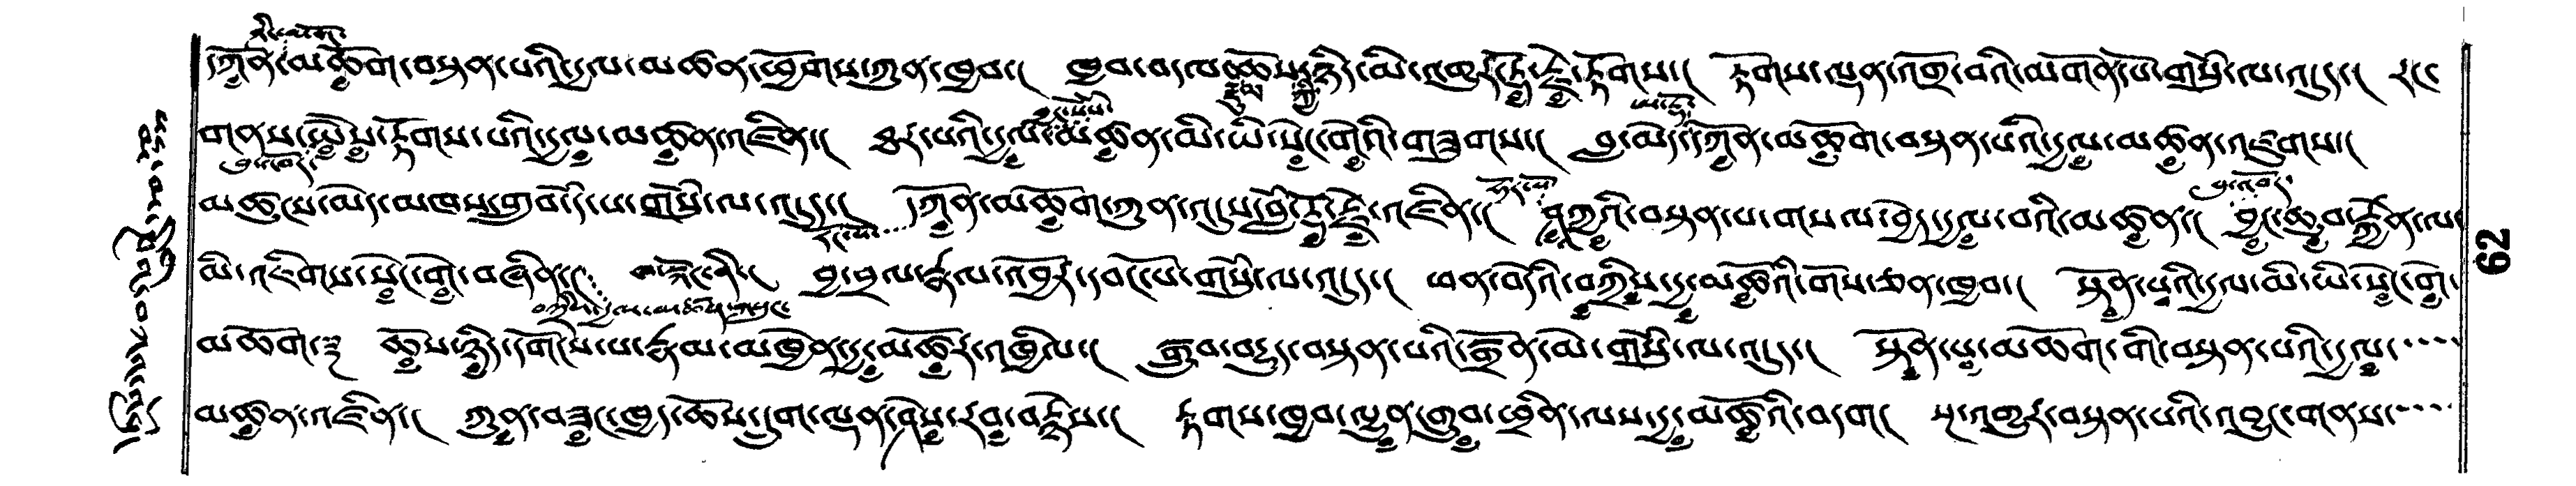།དཀོན་མཆོག་བསྟན་པའི་རྒྱལ་མཚན་ཕྱོགས་ཀུན་ཁྱབ། །ཁྱབ་བརྡལ་ཆོས་ཉིད་མི་འགྱུར་རྡོ་རྗེ་རྟོགས། །རྟོགས་ལྡན་འགྲོ་བའི་མགོན་པོ་གསུམ་ལ་འདུད། །རང་
གནས་ཡེ་ཤེས་རྟོགས་པའི་རྒྱལ་མཚན་འཛིན། །ཐར་པའི་རྒྱལ་མཚན་མི་ཡི་སེང་གེའི་གཟུགས། །བླ་མེད་དཀོན་མཆོག་བསྟན་པའི་རྒྱལ་མཚན་འཛུགས། །
མཚུངས་མེད་མཁས་གྲུབ་དམ་པ་གསུམ་ལ་འདུད། །དཀོན་མཆོག་ཀུན་འདུས་བླ་མ་རྡོ་རྗེ་འཛིན། །ཤཱཀྱའི་བསྟན་པ་གསལ་བྱེད་རྒྱལ་བའི་མཚན། །བྱང་ཆུབ་རྐྱེན་ལ་
མི་འཇིགས་སེང་གེ་བཞིན། ཁ་སྐོང་ནི། བྱ་བྲལ་རྣལ་འབྱོར་དབང་པོ་གསུམ་ལ་འདུད། །ཕན་བདེའི་བཀྲ་ཤིས་རྒྱ་མཚོའི་གོས་ཅན་ཁྱབ། །སྟོན་པའི་རྒྱལ་ཚབ་མི་ཡི་སེང་གི་
མཆོག ཆོས་ཉིད་དགོངས་པ་རྣམ་མཁྱེན་རྒྱ་མཚོར་འཁྱིལ། །སྒྲུབ་བརྒྱུད་བསྟན་པའི་སྒྲོན་མེ་གསུམ་ལ་འདུད། །སྟོན་པ་མཆོག་གི་བསྟན་པའི་རྒྱལ་
མཚན་འཛིན། །ཀུན་བཟང་ཁྱད་ཆོས་དྲུག་ལྡན་ཤེས་རབ་བརྙེས། །རྟག་ཁྱབ་ལྷུན་གྲུབ་ཕྲིན་ལས་རྒྱ་མཚོའི་བདག།སྔ་འགྱུར་བསྟན་པའི་འབྱུང་གནས་